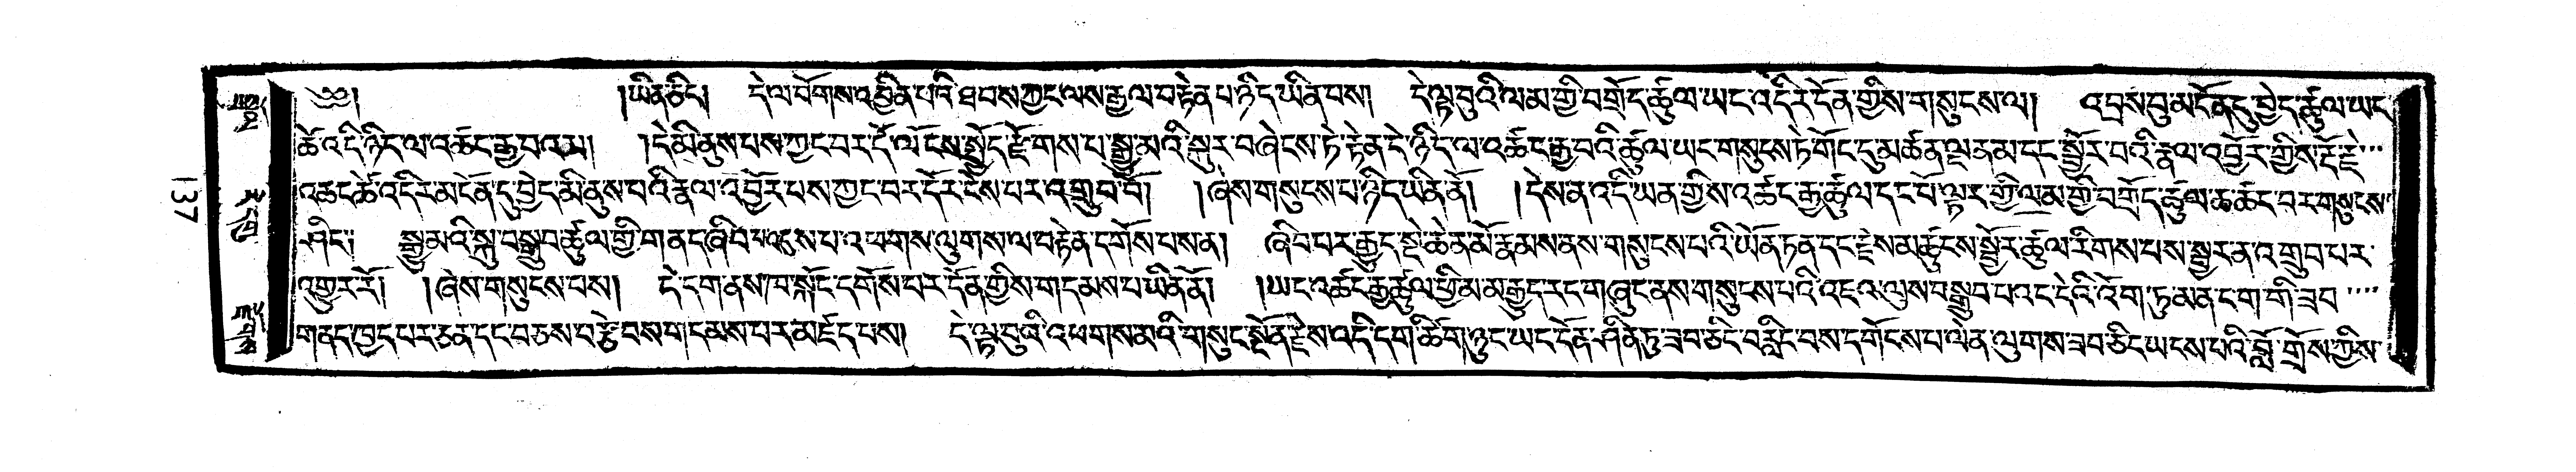༄༅། །ཡིན་ཅིང་། དེ་ལ་བོགས་འབྱིན་པའི་ཐབས་ཀྱང་ལས་རྒྱ་ལ་བརྟེན་པ་ཉིད་ཡིན་པས། དེ་ལྟ་བུའི་ལམ་གྱི་བགྲོད་ཚུལ་ཡང་འདིར་དོན་གྱིས་གསུངས་ལ། འབྲས་བུ་མངོན་དུ་བྱེད་ཚུལ་ཡང་
ཚེ་འདི་ཉིད་ལ་འཚང་རྒྱ་བའམ། དེ་མི་ནུས་པས་ཀྱང་བར་དོ་ལོངས་སྤྱོད་རྫོགས་པ་སྒྱུ་མའི་སྐུར་བཞེངས་ཏེ་རྟེན་དེ་ཉིད་ལ་ཚང་རྒྱ་པའི་ཚུལ་ཡང་གསུངས་ཏེ་གོང་དུ་མཚན་ལྡན་མ་དང་སྦྱོར་བའི་རྣལ་འབྱོར་གྱིས་རྡོ་རྗེ་
འཆང་ཚེ་འདིར་མངོན་དུ་བྱིད་མི་ནུས་པའི་རྣལ་འབྱོར་པས་ཀྱང་བར་དོར་ངེས་པར་འགྲུབ་བོ། །ཞེས་གསུངས་པ་ཉིད་ཡིན་ནོ། །དེས་ན་འདི་ཡན་གྱིས་འཚང་རྒྱ་ཚུལ་དང་པོ་ལྟར་གྱི་ལམ་གྱི་བགྲོད་ཚུལ་ཆ་ཚང་བར་གསུངས་
ཤིང༑ སྒྱུ་མའི་སྐུ་སྒྲུབ་ཚུལ་གྱི་གནད་ཞིབ་པ་འདུས་པ་འཕགས་ལུགས་ལ་བརྟེན་དགོས་པས་ན། ཞིབ་པར་རྒྱུད་སྡེ་ཆེན་པོ་རྣམས་ནས་གསུངས་པའི་ཡོན་ཏན་དང་རྗེས་མཚུངས་སྦྱོར་ཚུལ་རིགས་པས་སྦྱར་ན་འགྲུབ་པར་
འགྱུར་རོ། །ཞེས་གསུངས་པས། དེ་དག་ནས་ཁ་སྐོང་དགོས་པར་དོན་གྱིས་གདམས་པ་ཡིན་ནོ། །ཡང་འཚང་རྒྱ་ཚུལ་ཕྱི་མ་མ་རྒྱུད་རང་གཞུང་ནས་གསུངས་པའི་འཇའ་ལུས་བསྒྲུབ་པའང་དེའི་འོག་ཏུ་མན་ངག་གི་ཟབ་
གནད་ཁྱད་པར་ཅན་དང་བཅས་བརྩེབས་གདམས་པར་མཛད་པས། དེ་ལྟ་བུའི་འཕགས་མའི་གསུང་སྔོན་རྗེས་འདི་དག་ཚིག་ཉུང་ཡང་དོན་ཤིན་ཏུ་ཟབ་ཅིང་བརླིང་བས་དགོངས་པ་ལེན་ལུགས་ཟབ་ཅིང་ཡངས་བའི་བློ་གྲོས་ཀྱིས་